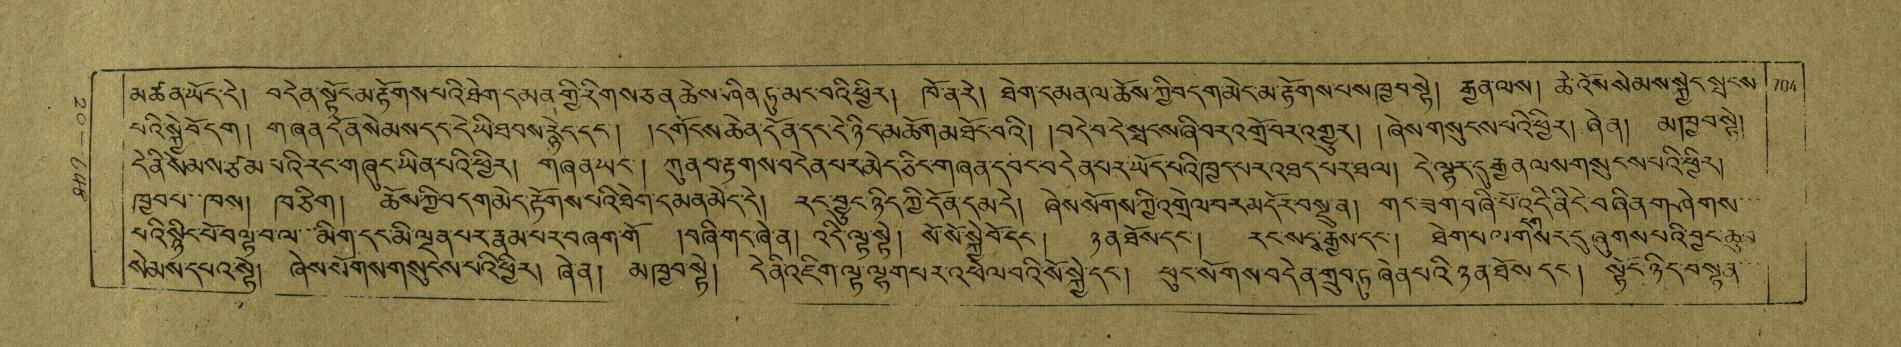མཚན་ཡོད་དེ། བདེན་སྟོང་མ་རྟོགས་པའི་ཐེག་དམན་གྱི་རིགས་ཅན་ཆེས་ཤིན་ཏུ་མང་བའི་ཕྱིར། ཁོ་ན་རེ། ཐེག་དམན་ལ་ཆོས་ཀྱི་བདག་མེད་མ་རྟོགས་པས་ཁྱབ་སྟེ། རྒྱན་ལས། ཆེ་འོས་སེམས་སྐྱེད་སྤངས་
པའི་སྐྱེ་བོ་དག། གཞན་དོན་སེམས་དང་དེ་ཡི་ཐབས་རྙེད་དང་། །དགོངས་ཆེན་དོན་དང་དེ་ཉིད་མཆོག་མཐོང་བའི། །བདེ་བ་དེ་སྤངས་ཞི་བར་འགྲོ་བར་འགྱུར། །ཞེས་གསུངས་པའི་ཕྱིར། ཞེ་ན། མཁྱབ་སྟེ།
དེ་ནི་སེམས་ཙམ་པའི་རང་གཞུང་ཡིན་པའི་ཕྱིར། གཞན་ཡང་། ཀུན་བརྟགས་བདེན་པར་མེད་ཅིང་གཞན་དབང་བདེན་པར་ཡོད་པའི་ཁྱད་པར་འཐད་པར་ཐལ། དེ་ལྟར་དུ་རྒྱན་ལས་གསུངས་པའི་ཕྱིར།
ཁྱབ་པ་ཁས། ཁ་ཅིག། ཆོས་ཀྱི་བདག་མེད་རྟོགས་པའི་ཐེག་དམན་མེད་དེ། རང་བྱུང་ཉིད་ཀྱི་དོན་དམ་དེ། ཞེས་སོགས་ཀྱི་འགྲེལ་བར་མདོར་བསྡུ་ན། གང་ཟག་བཞི་པོ་འདི་ནི་དེ་བཞིན་གཤེགས་
པའི་སྙིང་པོ་བལྟ་བ་ལ་མིག་དང་མི་ལྡན་པར་རྣམ་པར་བཞག་གོ །བཞི་གང་ཞེ་ན། འདི་ལྟ་སྟེ། སོ་སོ་སྐྱེ་བོ་དང་། ཉན་ཐོས་དང་། རང་སངས་རྒྱས་དང་། ཐེག་པ་ལ་གསར་དུ་ཞུགས་པའི་བྱང་ཆུབ་
སེམས་དཔའ་སྟེ། ཞེས་སོགས་གསུངས་པའི་ཕྱིར། ཞེ་ན། མ་ཁྱབ་སྟེ། དེ་ནི་འཇིག་ལྟ་ལྷག་པར་འཕེལ་བའི་སོ་སྐྱེ་དང་། ཕུང་སོགས་བདེན་གྲུབ་ཏུ་ཞེན་པའི་ཉན་ཐོས་དང་། སྟོང་ཉིད་བསྟན་